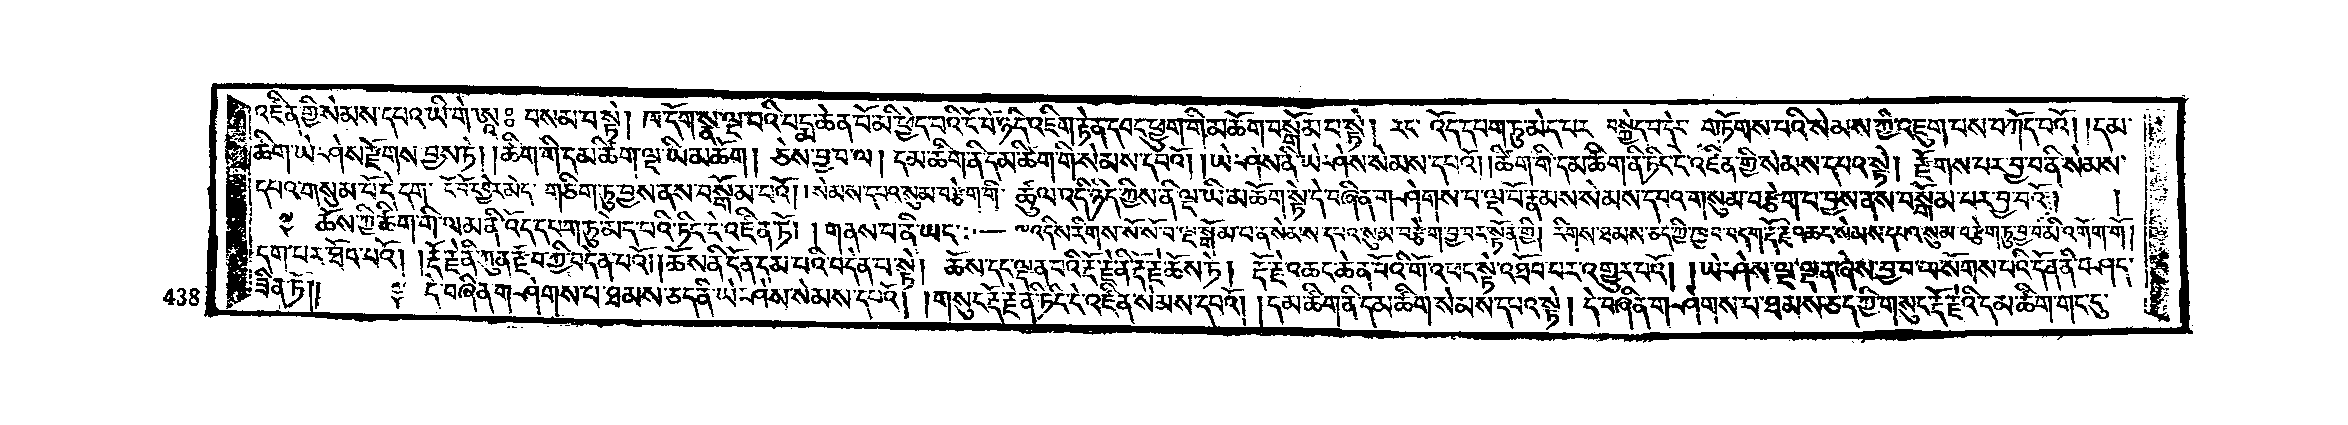འཛིན་གྱི་སེམས་དཔའ་ཡི་གེ་ཨཱཿ བསམ་པ་སྟེ། ཁ་དོག་སྣ་ལྔ་པའི་པདམ་ཆེན་པོ་མི་ཕྱེད་པའི་ངོ་བོ་ཉིད་འཇིག་རྟེན་དབང་ཕྱུག་གི་མཆོག་བསྒོམ་པ་སྟེ། རང་འོད་དཔག་ཏུ་མེད་པར་བསྐྱེད་པ་དེར་གཏོགས་པའི་སེམས་ཀྱི་འཇུག་པས་བཀོད་པའོ། །དམ་
ཚིག་ཡེ་ཤེས་རྫོགས་བྱས་ཏེ། །ཚིག་གི་དམ་ཚིག་ལྔ་ཡི་མཆོག །ཅེས་བྱ་བ་ལ། དམ་ཚིག་ནི་དམ་ཚིག་གི་སེམས་དཔའོ། །ཡེ་ཤེས་ནི་ཡེ་ཤེས་སེམས་དཔའོ། །ཚིག་གི་དམ་ཚིག་ནི་ཏིང་ངེ་འཛིན་གྱི་སེམས་དཔའ་སྟེ། རྫོགས་པར་བྱ་བ་ནི་སེམས་
དཔའ་གསུམ་པོ་དེ་དག་ངོ་བོ་དབྱེར་མེད་གཅིག་ཏུ་བྱས་ནས་བསྒོམ་པའོ། །སེམས་དཔའ་སུམ་བརྩེག་གི་ཚུལ་འདི་ཉིད་ཀྱིས་ནི་ལྔ་ཡི་མཆོག་སྟེ་དེ་བཞིན་གཤེགས་པ་ལྔ་པོ་རྣམས་སེམས་དཔའ་གསུམ་བརྩེག་པ་བྱས་ནས་བསྒོམ་པར་བྱ་བའོ། །
༈ ཆོས་ཀྱི་ཚིག་གི་ལམ་ནི་འོད་དཔག་ཏུ་མེད་པའི་ཏིང་ངེ་འཛིན་ཏོ། །གནས་པ་ནི་ཡངཿ་༧འདིས་རིགས་སོ་སོ་བ་ལྔ་སྒོམ་པ་ན་སེམས་དཔའ་སུམ་བརྩེག་བྱ་བར་སྟོན་གྱི། རིགས་ཐམས་ཅད་ཀྱི་ཁྱབ་བདག་རྡོ་རྗེ་འཆང་སེམས་དཔའ་སུམ་བརྩེག་ཏུ་བྱ་བ་མི་འགོག་གོ །
དག་པར་ཐོབ་པའོ། །རྡོ་རྗེ་ནི་ཀུན་རྫོབ་ཀྱི་བདེན་པའོ། །ཆོས་ནི་དོན་དམ་པའི་བདེན་པ་སྟེ། ཆོས་དང་ལྡན་པའི་རྡོ་རྗེ་ནི་རྡོ་རྗེ་ཆོས་ཏེ། རྡོ་རྗེ་འཆང་ཆེན་པོའི་གོ་འཕང་སྟེ་འཐོབ་པར་འགྱུར་པའོ། །ཡེ་ཤེས་ལྔ་ལྡན་ཞེས་བྱ་བ་ལ་སོགས་པའི་དོན་ནི་བཤད་
ཟིན་ཏོ།། ༈ དེ་བཞིན་གཤེགས་པ་ཐམས་ཅད་ནི་ཡེ་ཤེས་སེམས་དཔའོ། །གསུང་རྡོ་རྗེ་ནི་ཏིང་ངེ་འཛིན་སེམས་དཔའོ། །དམ་ཚིག་ནི་དམ་ཚིག་སེམས་དཔའ་སྟེ། དེ་བཞིན་གཤེགས་པ་ཐམས་ཅད་ཀྱི་གསུང་རྡོ་རྗེའི་དམ་ཚིག་གང་དུ་